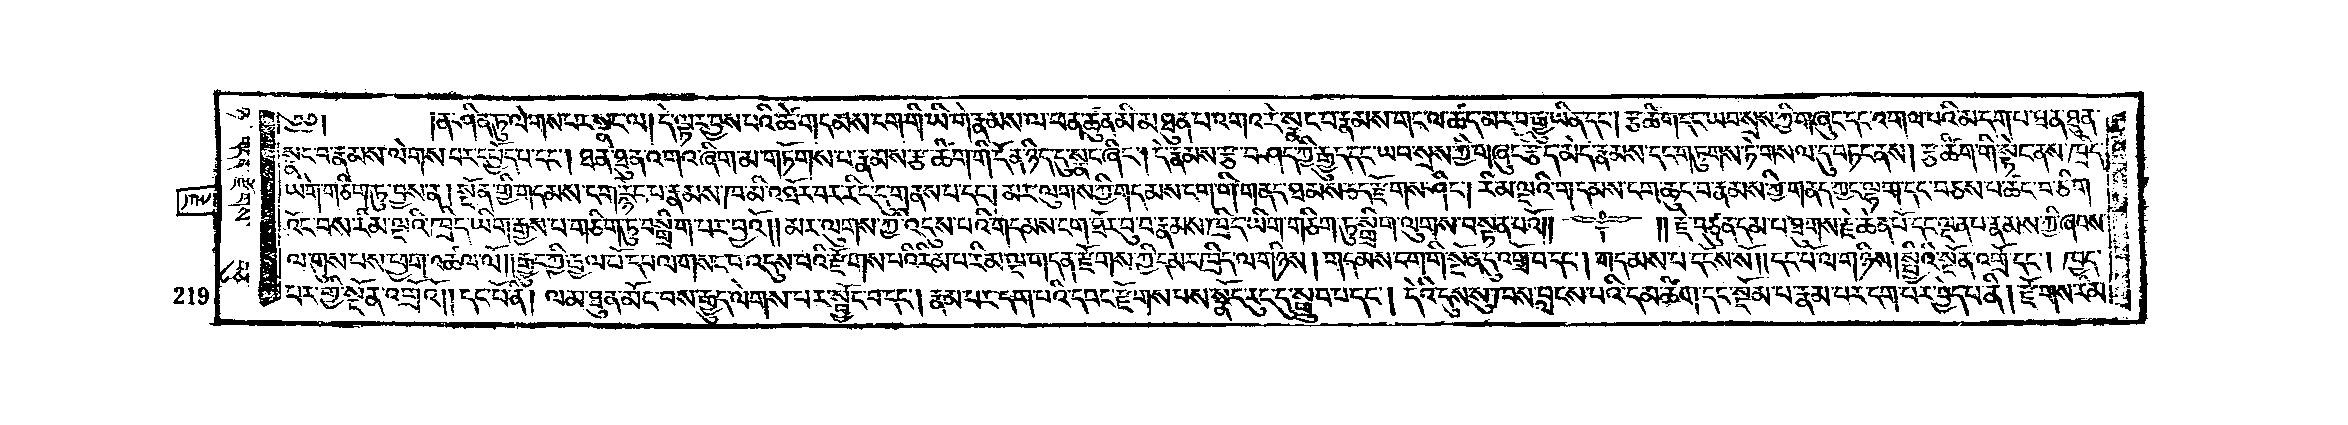༄༅། །ན་ཤིན་ཏུ་ལེགས་པར་སྣང་ལ། དེ་ལྟར་བྱས་པའི་ཚེ་གདམས་ངག་གི་ཡི་གེ་རྣམས་ལ་ཕན་ཚུན་མི་མཐུན་པ་འགའ་རེ་སྣང་བ་རྣམས་གང་ལ་ཚད་མར་བྱ་རྒྱུ་ཡིན་དང་། རྩ་ཚིག་དང་ཡབ་སྲས་ཀྱི་གཞུང་དང་འགལ་བའི་མ་དག་པ་ཐན་ཐུན་
སྣང་བ་རྣམས་ལེགས་པར་དཔྱོད་པ་དང་། ཐན་ཐུན་འགའ་ཞིག་མ་གཏོགས་པ་རྣམས་རྩ་ཚིག་གི་དོན་ཉིད་དུ་སྣང་ཞིང་། དེ་རྣམས་རྩ་བཤད་ཀྱི་རྒྱུད་དང་ཡབ་སྲས་ཀྱི་གཞུང་རྩེད་མེད་རྣམས་དང་གཏུགས་ཏེ་གསལ་དུ་བཏང་ནས། རྩ་ཚིག་གི་སྟེང་ནས་ཁྲིད་
ཡིག་གཅིག་ཏུ་བྱས་ན། སྔོན་གྱི་གདམས་ངག་རྙིང་པ་རྣམས་ཁ་མི་འཐོར་བར་རིང་དུ་གནས་པ་དང་། མར་ལུགས་ཀྱི་གདམས་ངག་གི་གནད་ཐམས་ཅད་རྫོགས་ཤིང་། རིམ་ལྔའི་གདམས་ངག་ཆུང་བ་རྣམས་ཀྱི་གནད་ཀྱང་ལྷག་དང་བཅས་པ་ཚང་བ་ཅིག་
འོང་བས་རིམ་ལྔའི་ཁྲིད་ཡིག་རྒྱས་པ་གཅིག་ཏུ་བསྒྲིག་པར་བྱའོ། །མར་ལུགས་ཀྱི་འདུས་པའི་གདམས་ངག་ཐོར་བུ་བ་རྣམས་ཁྲིད་ཡིག་གཅིག་ཏུ་སྒྲིག་ལུགས་བསྟན་པའོ།། ༈ །།རྗེ་བཙུན་དམ་པ་ཐུགས་རྗེ་ཆེན་པོ་དང་ལྡན་པ་རྣམས་ཀྱི་ཞབས་
ལ་གུས་པས་ཕྱག་འཚལ་ལོ། །རྒྱུད་ཀྱི་རྒྱལ་པོ་དཔལ་གསང་བ་འདུས་པའི་རྫོགས་པའི་རིམ་པ་རིམ་ལྔ་གདན་རྫོགས་ཀྱི་དམར་ཁྲིད་ལ་གཉིས། གདམས་ངག་གི་སྔོན་དུ་འགྲོ་བ་དང་། གདམས་པ་དངོས་སོ། །དང་པོ་ལ་གཉིས། སྤྱིའི་སྔོན་འགྲོ་དང་། ཁྱད་
པར་གྱི་སྔོན་འགྲོའོ། །དང་པོ་ནི། ལམ་ཐུན་མོང་བས་རྒྱུད་ལེགས་པར་སྦྱོང་བ་དང་། རྣམ་པར་དག་པའི་དབང་རྫོགས་པས་སྣོད་རུང་དུ་སྒྲུབ་པ་དང་། དེའི་དུས་སུ་ཁས་བླངས་པའི་དམ་ཚིག་དང་སྡོམ་པ་རྣམ་པར་དག་པར་བྱེད་པ་ནི། རྫོགས་རིམ་